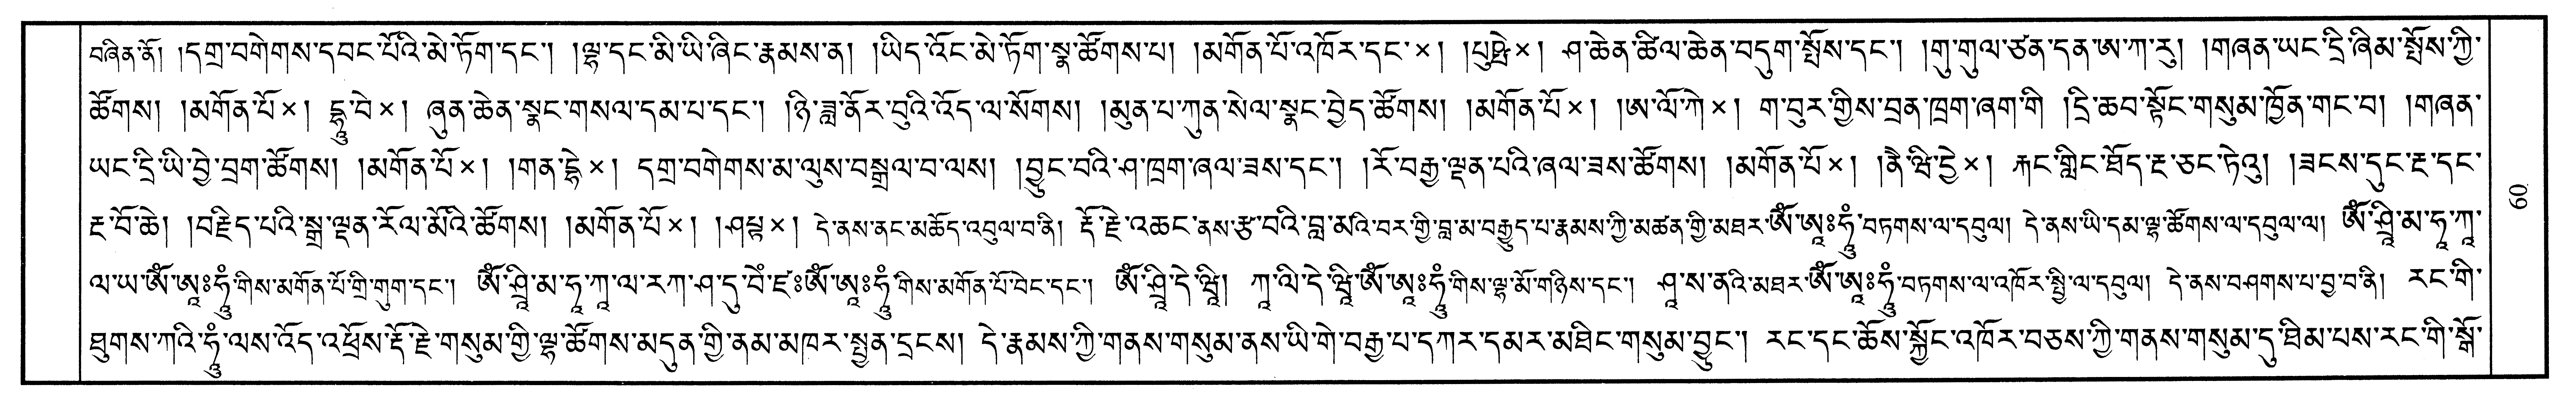བཞིན་ནོ། །དགྲ་བགེགས་དབང་པོའི་མེ་ཏོག་དང་། །ལྷ་དང་མི་ཡི་ཞིང་རྣམས་ན། །ཡིད་འོང་མེ་ཏོག་སྣ་ཚོགས་པ། །མགོན་པོ་འཁོར་དང་྾། །པུཥྤེ་྾། ཤ་ཆེན་ཚིལ་ཆེན་བདུག་སྤོས་དང་། །གུ་གུལ་ཙན་དན་ཨ་ཀ་རུ། །གཞན་ཡང་དྲི་ཞིམ་སྤོས་ཀྱི་
ཚོགས། །མགོན་པོ་྾། དྷཱུ་བེ་྾། ཞུན་ཆེན་སྣང་གསལ་དམ་པ་དང་། །ཉི་ཟླ་ནོར་བུའི་འོད་ལ་སོགས། །མུན་པ་ཀུན་སེལ་སྣང་བྱེད་ཚོགས། །མགོན་པོ་྾། །ཨ་ལོ་ཀེ་྾། ག་བུར་གྱིས་བྲན་ཁྲག་ཞག་གི །དྲི་ཆབ་སྟོང་གསུམ་ཁྱོན་གང་བ། །གཞན་
ཡང་དྲི་ཡི་བྱེ་བྲག་ཚོགས། །མགོན་པོ་྾། །གན་དྷེ་྾། དགྲ་བགེགས་མ་ལུས་བསྒྲལ་བ་ལས། །བྱུང་བའི་ཤ་ཁྲག་ཞལ་ཟས་དང་། །རོ་བརྒྱ་ལྡན་པའི་ཞལ་ཟས་ཚོགས།། མགོན་པོ་྾། །ནཻ་ཝི་དྱེ་྾། རྐང་གླིང་ཐོད་རྔ་ཅང་ཏེའུ། །ཟངས་དུང་རྔ་དང་
རྔ་བོ་ཆེ། །བརྗིད་པའི་སྒྲ་ལྡན་རོལ་མོའི་ཚོགས། །མགོན་པོ་྾། །ཤཔྟ་྾། དེ་ནས་ནང་མཆོད་འབུལ་བ་ནི། རྡོ་རྗེ་འཆང་ནས་རྩ་བའི་བླ་མའི་བར་གྱི་བླ་མ་བརྒྱུད་པ་རྣམས་ཀྱི་མཚན་གྱི་མཐར་ཨོཾ་ཨཱཿ ཧཱུཾ་བཏགས་ལ་དབུལ། དེ་ནས་ཡི་དམ་ལྷ་ཚོགས་ལ་དབུལ་ལ། ཨོཾ་ཤྲཱི་མ་ཧཱ་ཀཱ་
ལ་ཡ་ཨོཾ་ཨཱཿ ཧཱུཾ་གིས་མགོན་པོ་གྲི་གུག་དང་། ཨོཾ་ཤྲཱི་མ་ཧཱ་ཀཱ་ལ་རཀ་ཤ་དུ་བེཾ་ཛཿ ཨོཾ་ཨཱཿ ཧཱུཾ་གིས་མགོན་པོ་བེང་དང་། ཨོཾ་ཤྲཱི་དེ་ཝཱི། ཀཱ་ལི་དེ་ཝཱི་ཨོཾ་ཨཱཿ ཧཱུཾ་གིས་ལྷ་མོ་གཉིས་དང་། ཤཱ་ས་ནའི་མཐར་ཨོཾ་ཨཱཿ ཧཱུཾ་བཏགས་ལ་འཁོར་སྤྱི་ལ་དབུལ། དེ་ནས་བཤགས་པ་བྱ་བ་ནི། རང་གི་
ཐུགས་ཀའི་ཧཱུཾ་ལས་འོད་འཕྲོས་རྡོ་རྗེ་གསུམ་གྱི་ལྷ་ཚོགས་མདུན་གྱི་ནམ་མཁར་སྤྱན་དྲངས། དེ་རྣམས་ཀྱི་གནས་གསུམ་ནས་ཡི་གེ་བརྒྱ་པ་དཀར་དམར་མཐིང་གསུམ་བྱུང་། རང་དང་ཆོས་སྐྱོང་འཁོར་བཅས་ཀྱི་གནས་གསུམ་དུ་ཐིམ་པས་རང་གི་སྒོ་